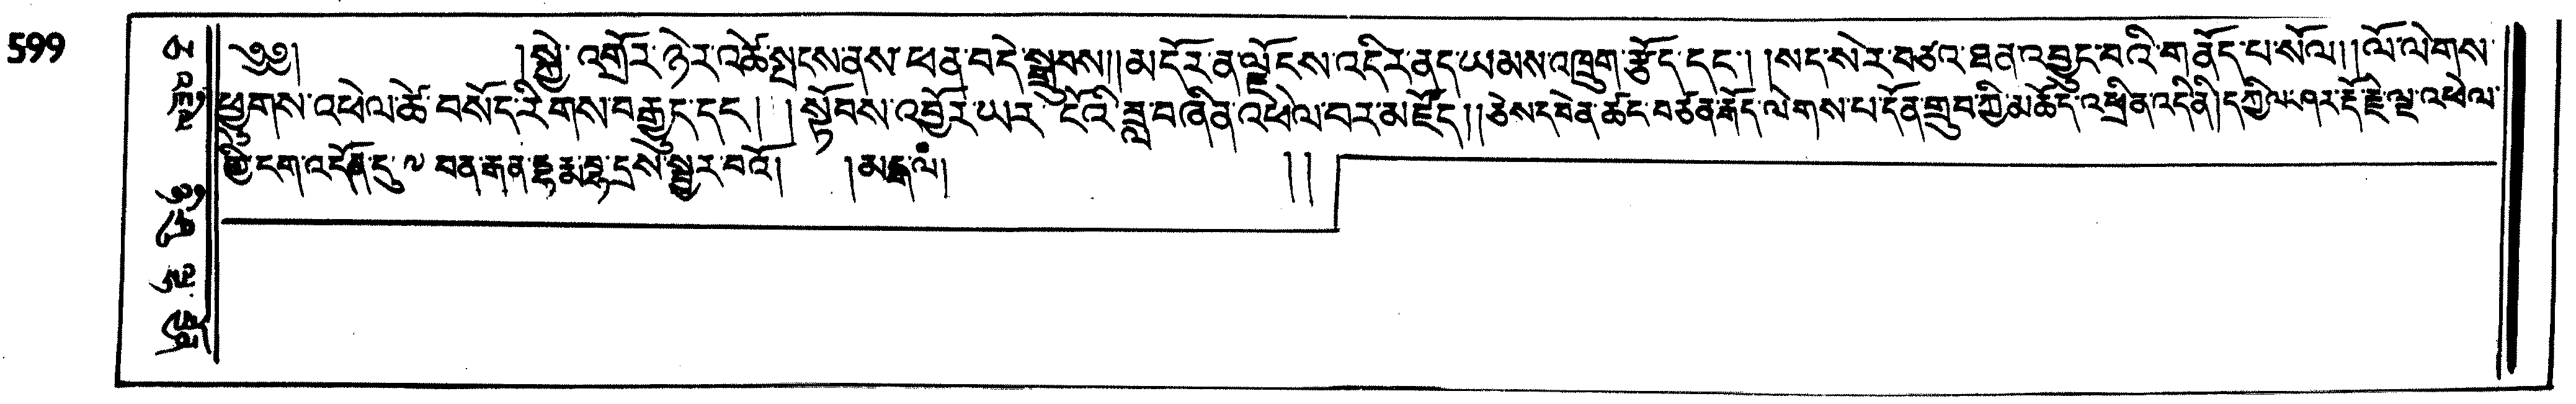༄༅། །སྐྱེ་འགྲོར་ཉེར་འཚེ་སྤངས་ནས་ཕན་བདེ་སྒྲུབས། །མདོར་ན་ལྗོངས་འདིར་ནད་ཡམས་འཁྲུག་རྩོད་དང་། །སད་སེར་བཙའ་ཐན་འབྱུང་བའི་གནོད་པ་སོལ། །ལོ་ལེགས་
ཕྱུགས་འཕེལ་ཚེ་བསོད་རིགས་བརྒྱུད་དང་། །སྟོབས་འབྱོར་ཡར་ངོའི་ཟླ་བཞིན་འཕེལ་བར་མཛོད། །ཅེས་དབེན་ཚང་བཙན་རྒོད་ལེགས་པ་དོན་གྲུབ་ཀྱི་མཆོད་འཕྲིན་འདི་ནི། དཀྱིལ་ཤར་རྡོ་རྗེ་ལྔ་འཕེལ་
གྱི་ངག་འདོན་དུ ༧བན་རྒན་དྷརྨབྷ་དྲས་སྦྱར་བའོ། །མངྒ་ལཾ། །